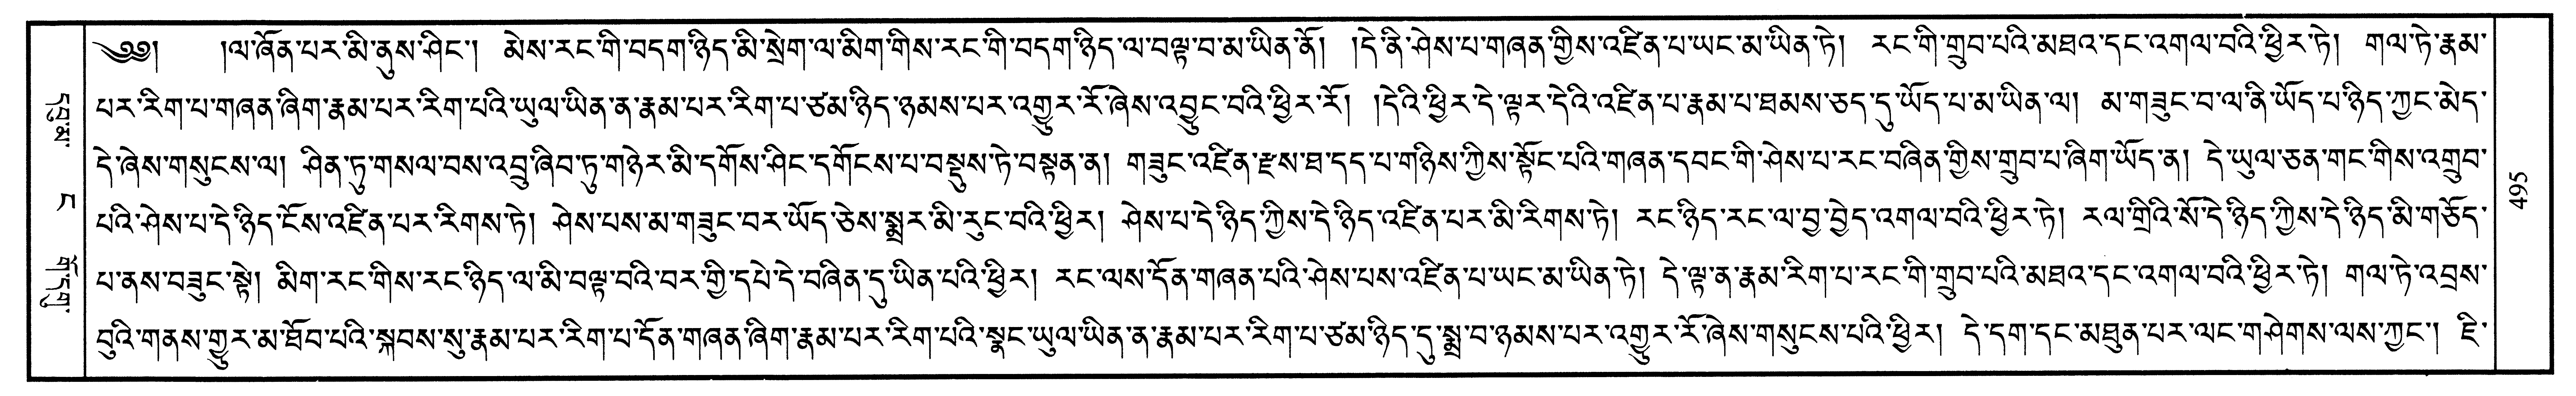༄༅། །ལ་ཞོན་པར་མི་ནུས་ཤིང་། མེས་རང་གི་བདག་ཉིད་མི་སྲེག་ལ་མིག་གིས་རང་གི་བདག་ཉིད་ལ་བལྟ་བ་མ་ཡིན་ནོ། །དེ་ནི་ཤེས་པ་གཞན་གྱིས་འཛིན་པ་ཡང་མ་ཡིན་ཏེ། རང་གི་གྲུབ་པའི་མཐའ་དང་འགལ་བའི་ཕྱིར་ཏེ། གལ་ཏེ་རྣམ་
པར་རིག་པ་གཞན་ཞིག་རྣམ་པར་རིག་པའི་ཡུལ་མིན་ན་རྣམ་པར་རིག་པ་ཙམ་ཉིད་ཉམས་པར་འགྱུར་རོ་ཞེས་འབྱུང་བའི་ཕྱིར་རོ། །དེའི་ཕྱིར་དེ་ལྟར་དེའི་འཛིན་པ་རྣམ་པ་ཐམས་ཅད་དུ་ཡོད་པ་མ་ཡིན་ལ། མ་གཟུང་བ་ལ་ནི་ཡོད་པ་གཉིད་ཀྱང་མེད་
དེ་ཞེས་གསུངས་ལ། ཤིན་ཏུ་གསལ་བས་འབྲུ་ཞིབ་ཏུ་གཉེར་མི་དགོས་ཤིང་དགོངས་པ་བསྡུས་ཏེ་བསྟན་ན། གཟུང་འཛིན་རྫས་ཐ་དད་པ་གཉིས་ཀྱིས་སྟོང་པའི་གཞན་དབང་གི་ཤེས་པ་རང་བཞིན་གྱིས་གྲུབ་པ་ཞིག་ཡོད་ན། དེ་ཡུལ་ཅན་གང་གིས་འགྲུབ་
པའི་ཤེས་པ་དེ་ཉིད་ངོས་འཛིན་པར་རིགས་ཏེ། ཤེས་པས་མ་གཟུང་བར་ཡོད་ཅེས་སྨྲར་མི་རུང་བའི་ཕྱིར། ཤེས་པ་དེ་ཉིད་ཀྱིས་དེ་ཉིད་འཛིན་པར་མི་རིགས་ཏེ། རང་ཉིད་རང་ལ་བྱ་བྱེད་འགལ་བའི་ཕྱིར་ཏེ། རལ་གྲིའི་སོ་དེ་ཉིད་ཀྱིས་དེ་ཉིད་མི་གཅོད་
པ་ནས་བཟུང་སྟེ། མིག་རང་གིས་རང་ཉིད་ལ་མི་བལྟ་བའི་བར་གྱི་དཔེ་དེ་བཞིན་དུ་ཡིན་པའི་ཕྱིར། རང་ལས་དོན་གཞན་པའི་ཤེས་པས་འཛིན་པ་ཡང་མ་ཡིན་ཏེ། དེ་ལྟ་ན་རྣམ་རིག་པ་རང་གི་གྲུབ་པའི་མཐའ་དང་འགལ་བའི་ཕྱིར་ཏེ། གལ་ཏེ་འབྲས་
བུའི་གནས་གྱུར་མ་ཐོབ་པའི་སྐབས་སུ་རྣམ་པར་རིག་པ་དོན་གཞན་ཞིག་རྣམ་པར་རིག་པའི་སྣང་ཡུལ་ཡིན་ན་རྣམ་པར་རིག་པ་ཙམ་ཉིད་དུ་སྨྲ་བ་ཉམས་པར་འགྱུར་རོ་ཞེས་གསུངས་པའི་ཕྱིར། དེ་དག་དང་མཐུན་པར་ལང་གཤེགས་ལས་ཀྱང་། ཇི་